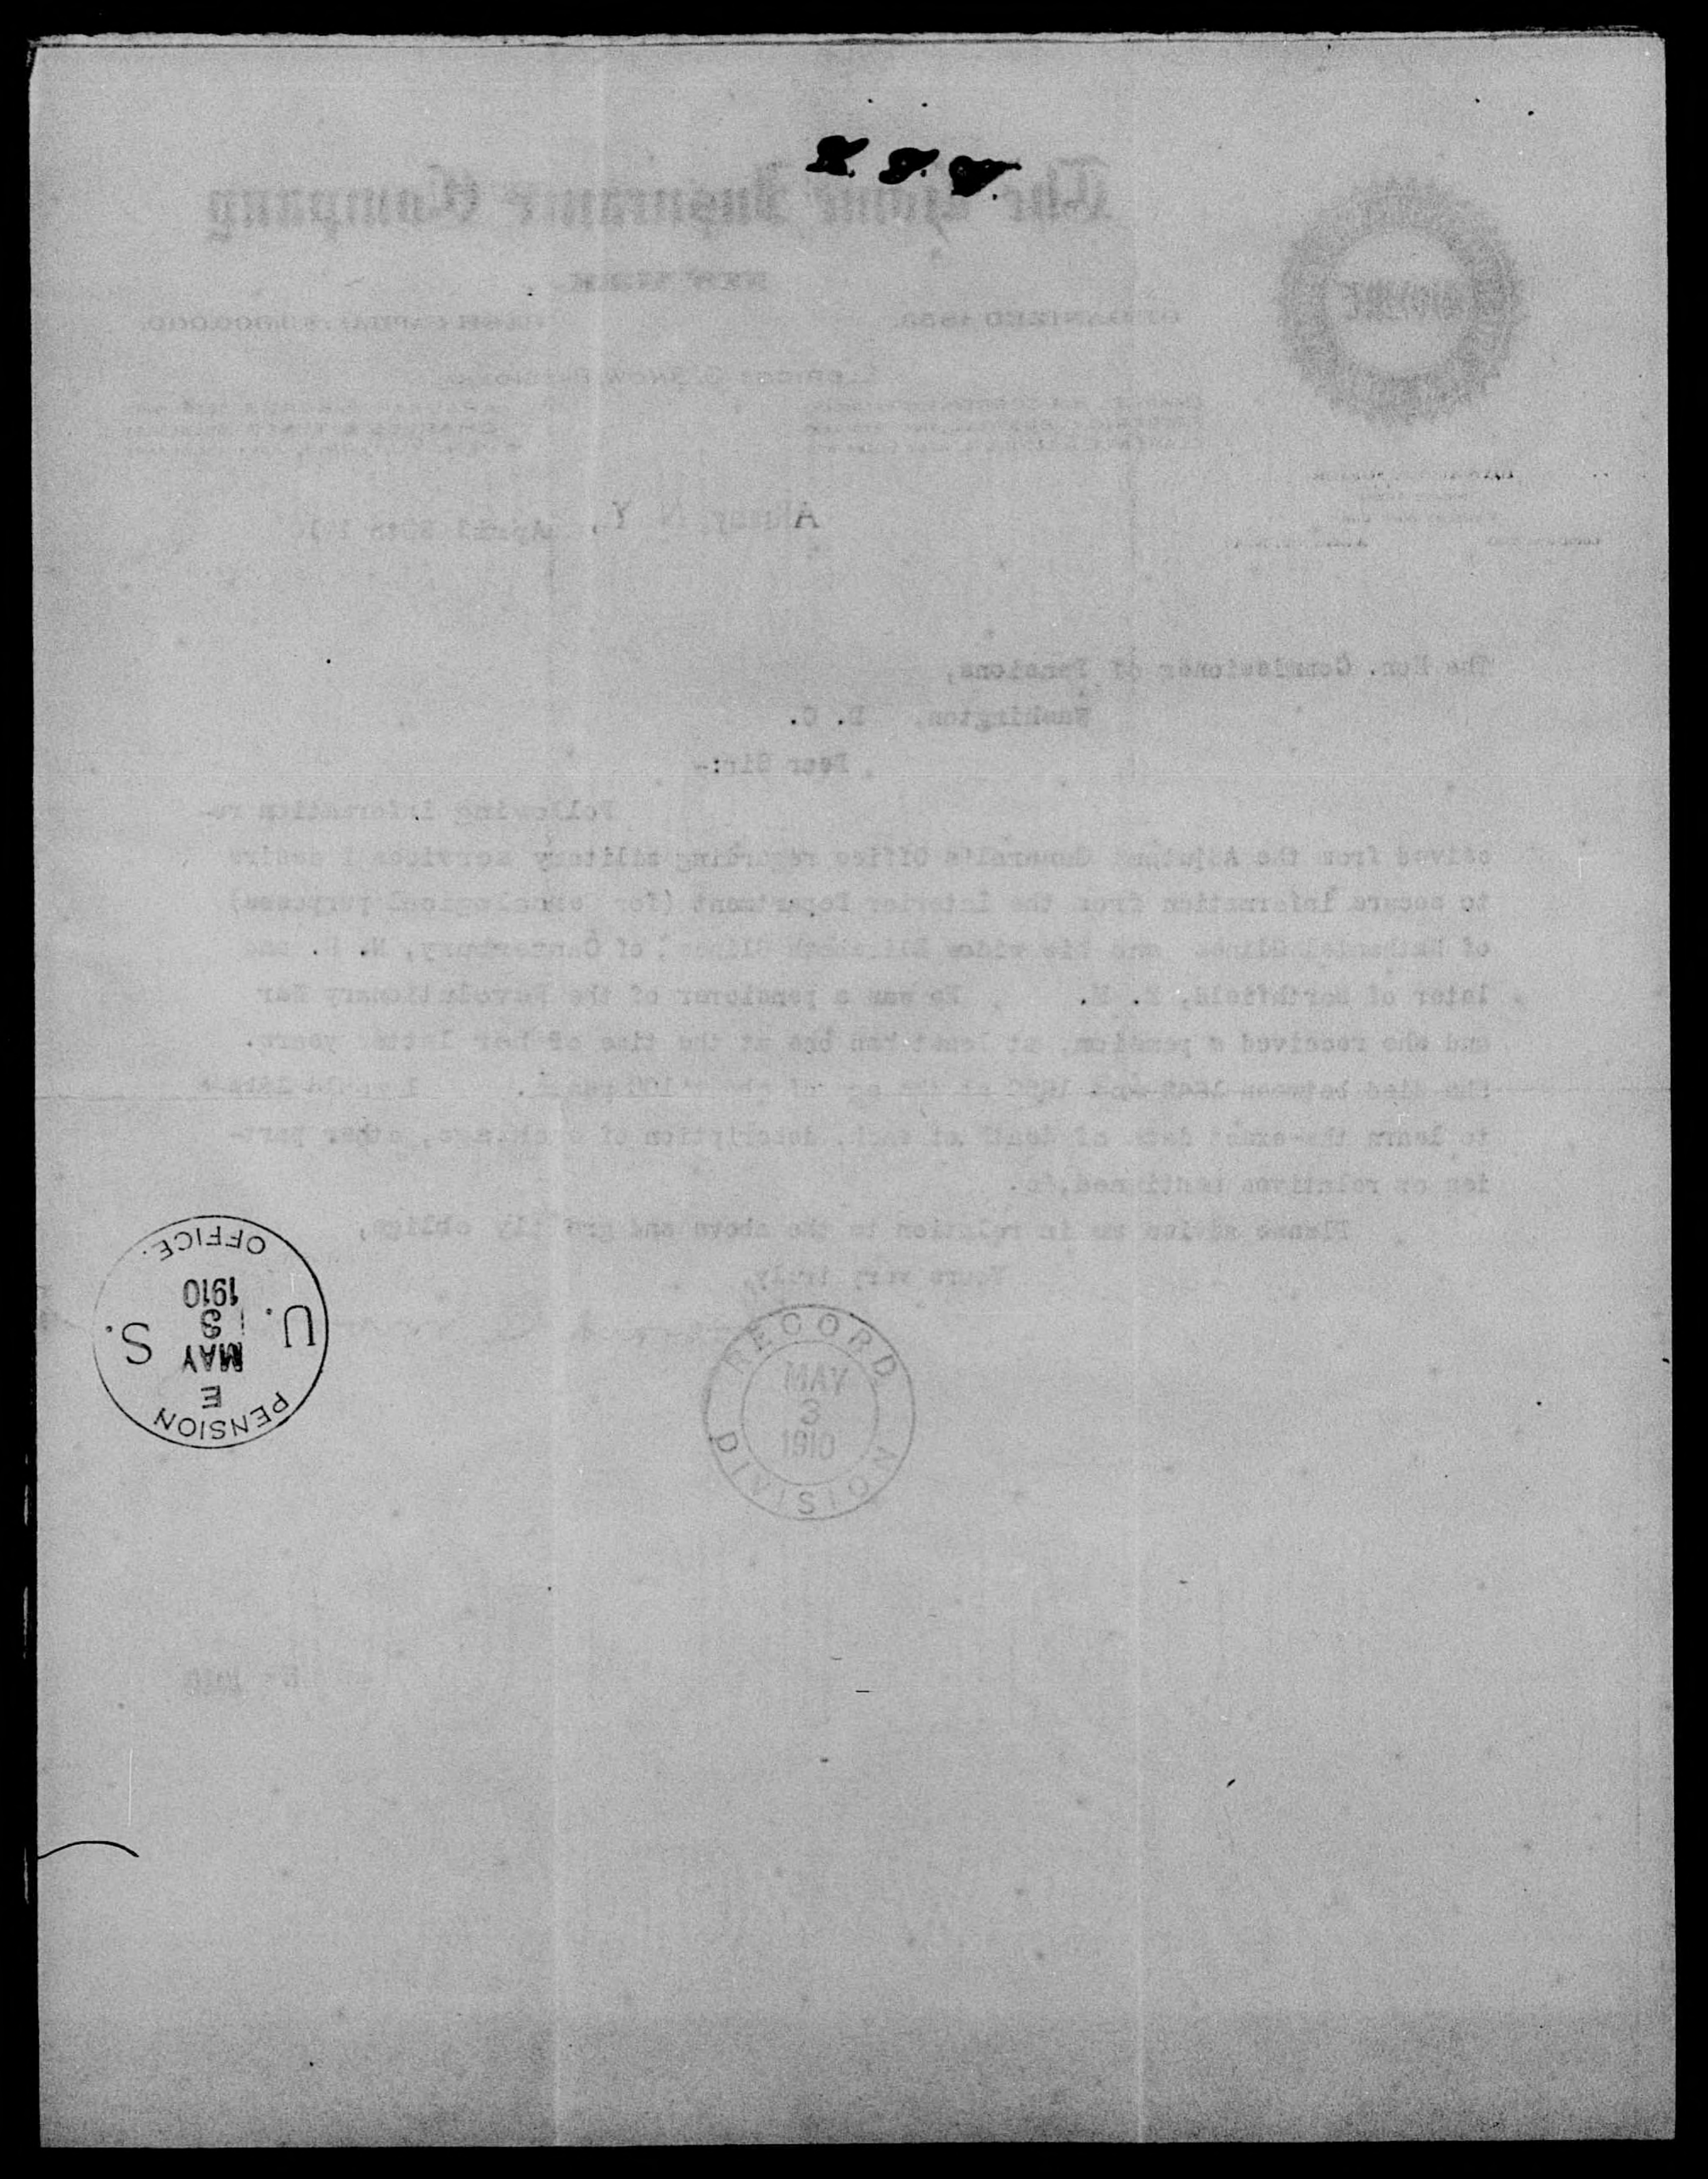[stamp]
U.S. PENSION
E
MAY
3
1910
OFFICE.

[stamp]
RECORD
MAY
3
1910
DIVISION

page: 27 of 29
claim: widow's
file: W. 24,282, Nathaniel Glines, N.H.